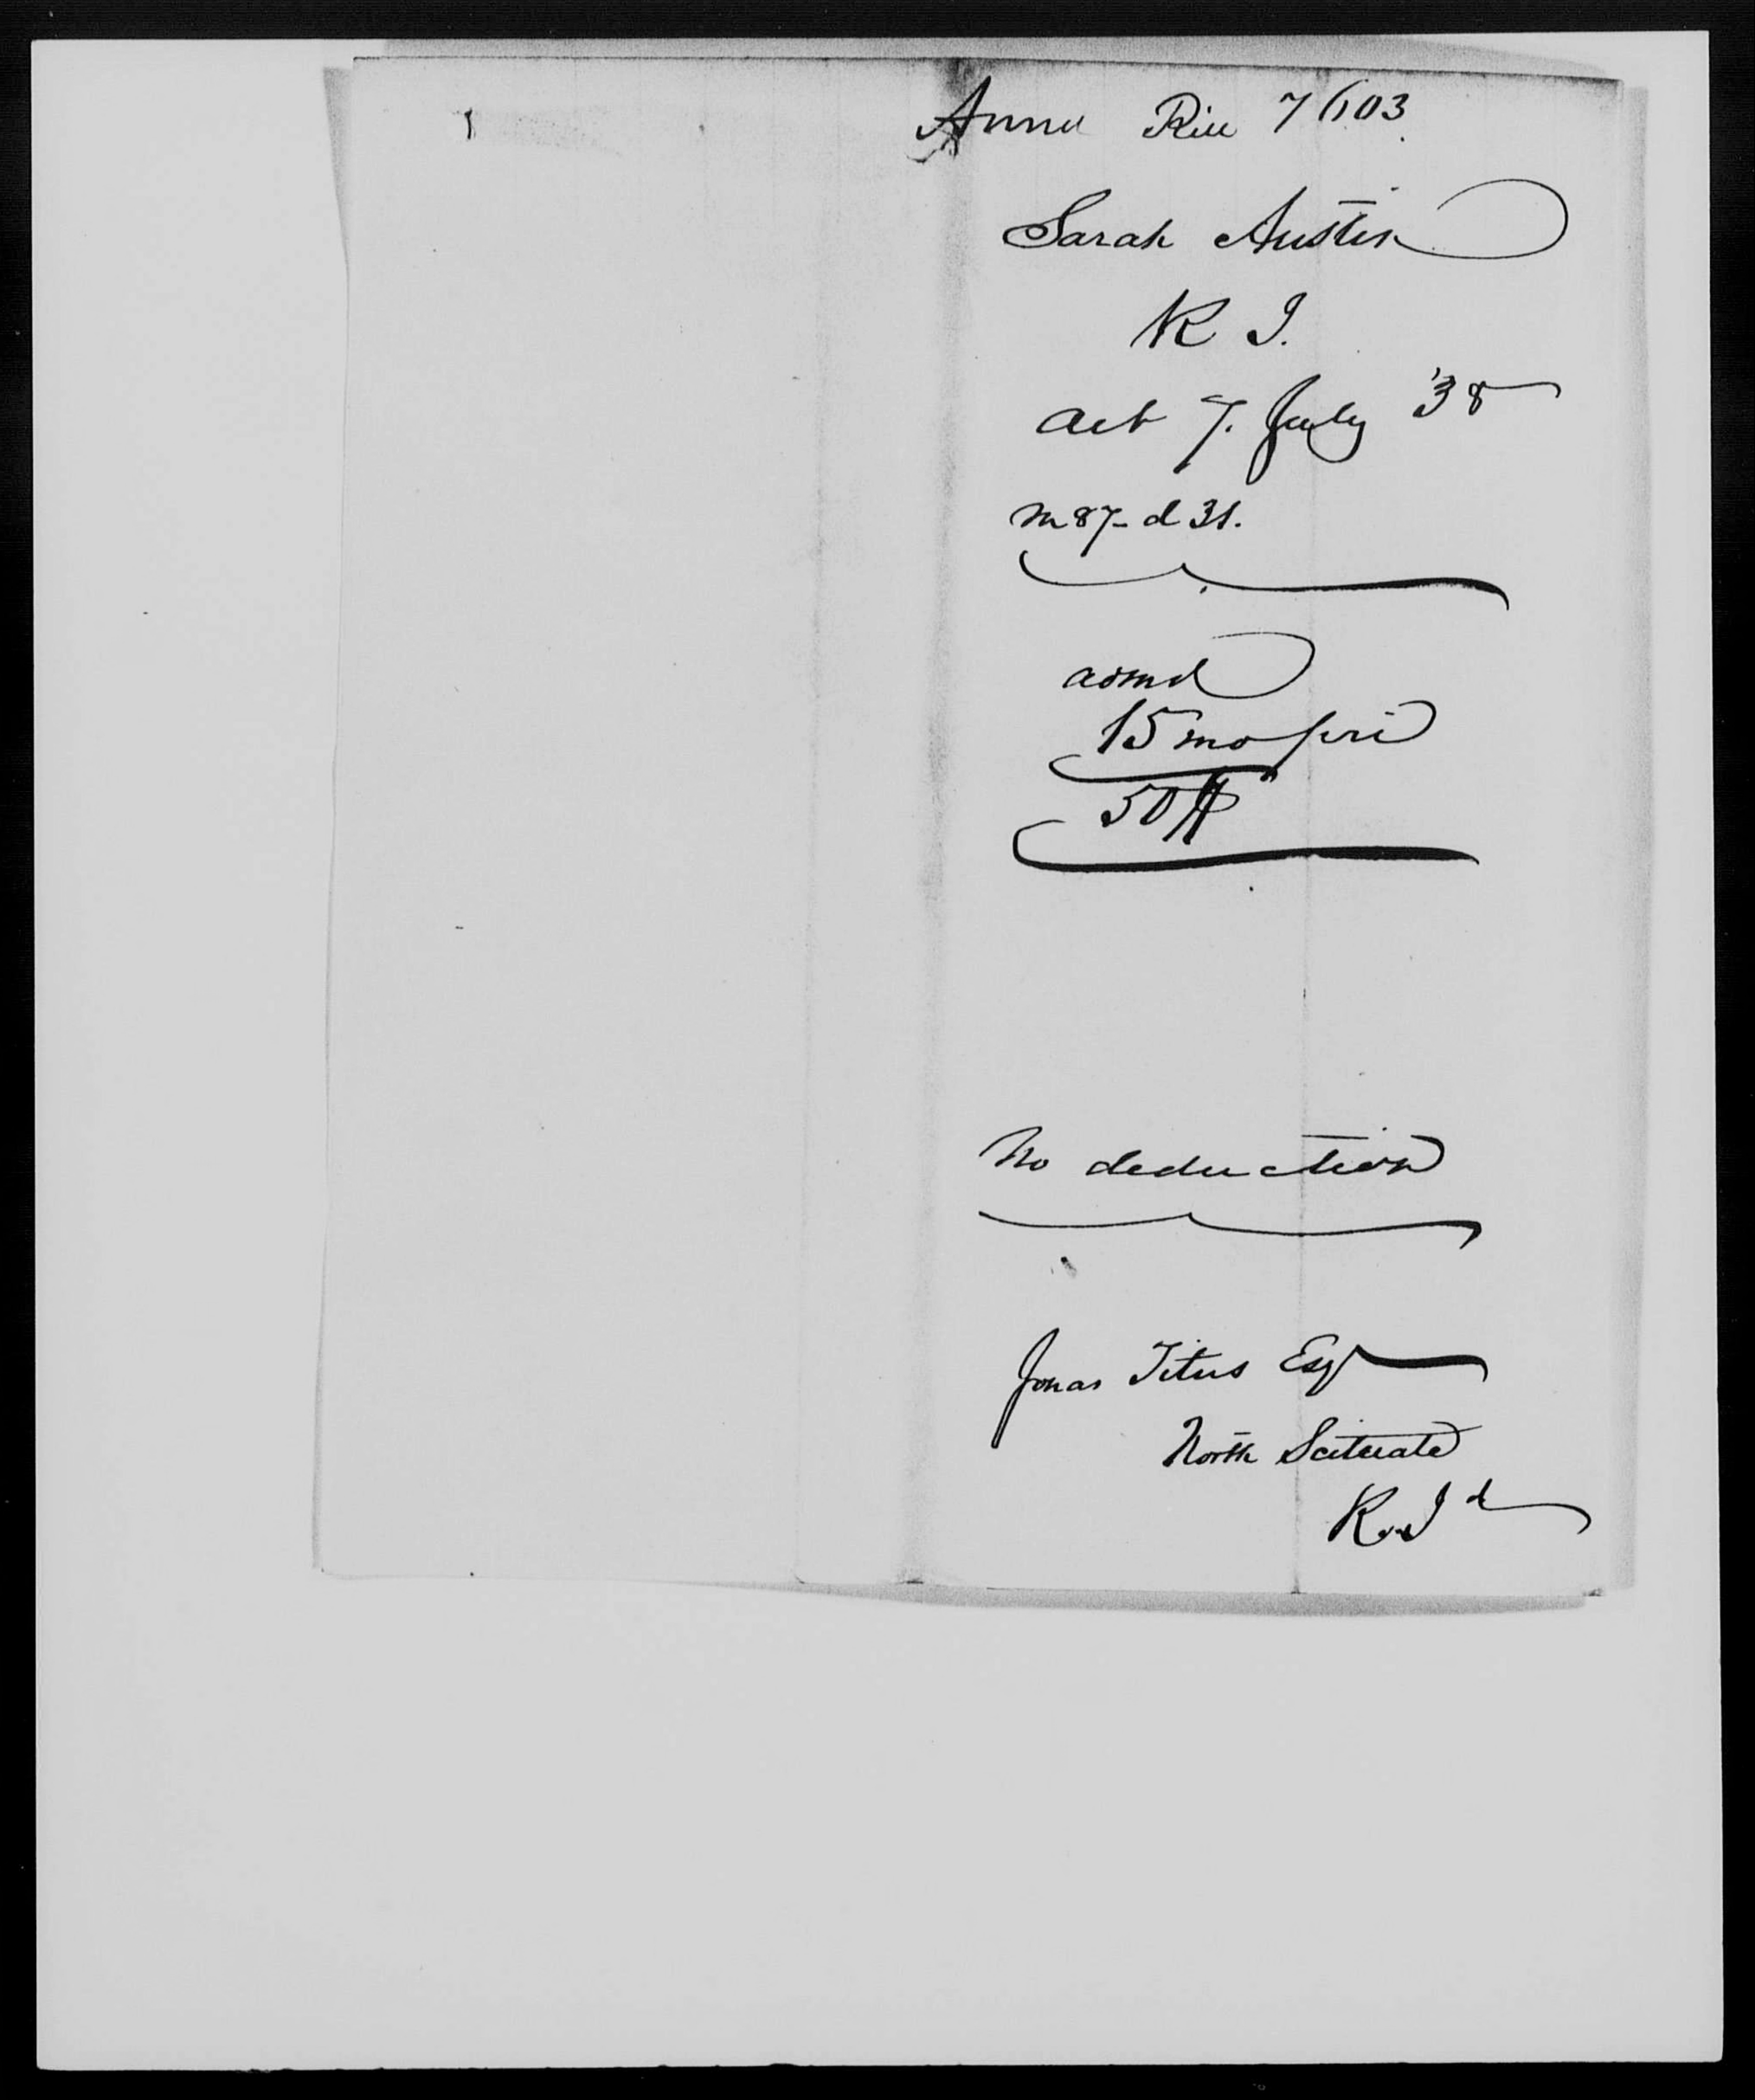Anna Rice 
7603
Sarah Austin
R. I.
act 7 July '38
m 87- d 31
admd
15 mo pri
50$
No deduction
Jonas Titus Esqr
North Scituate
R. Id.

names: Sarah Austin, Jonas Titus, Anna Rice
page: 11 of 18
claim: widow's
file: W. 20640, Caleb Austin, R.I.